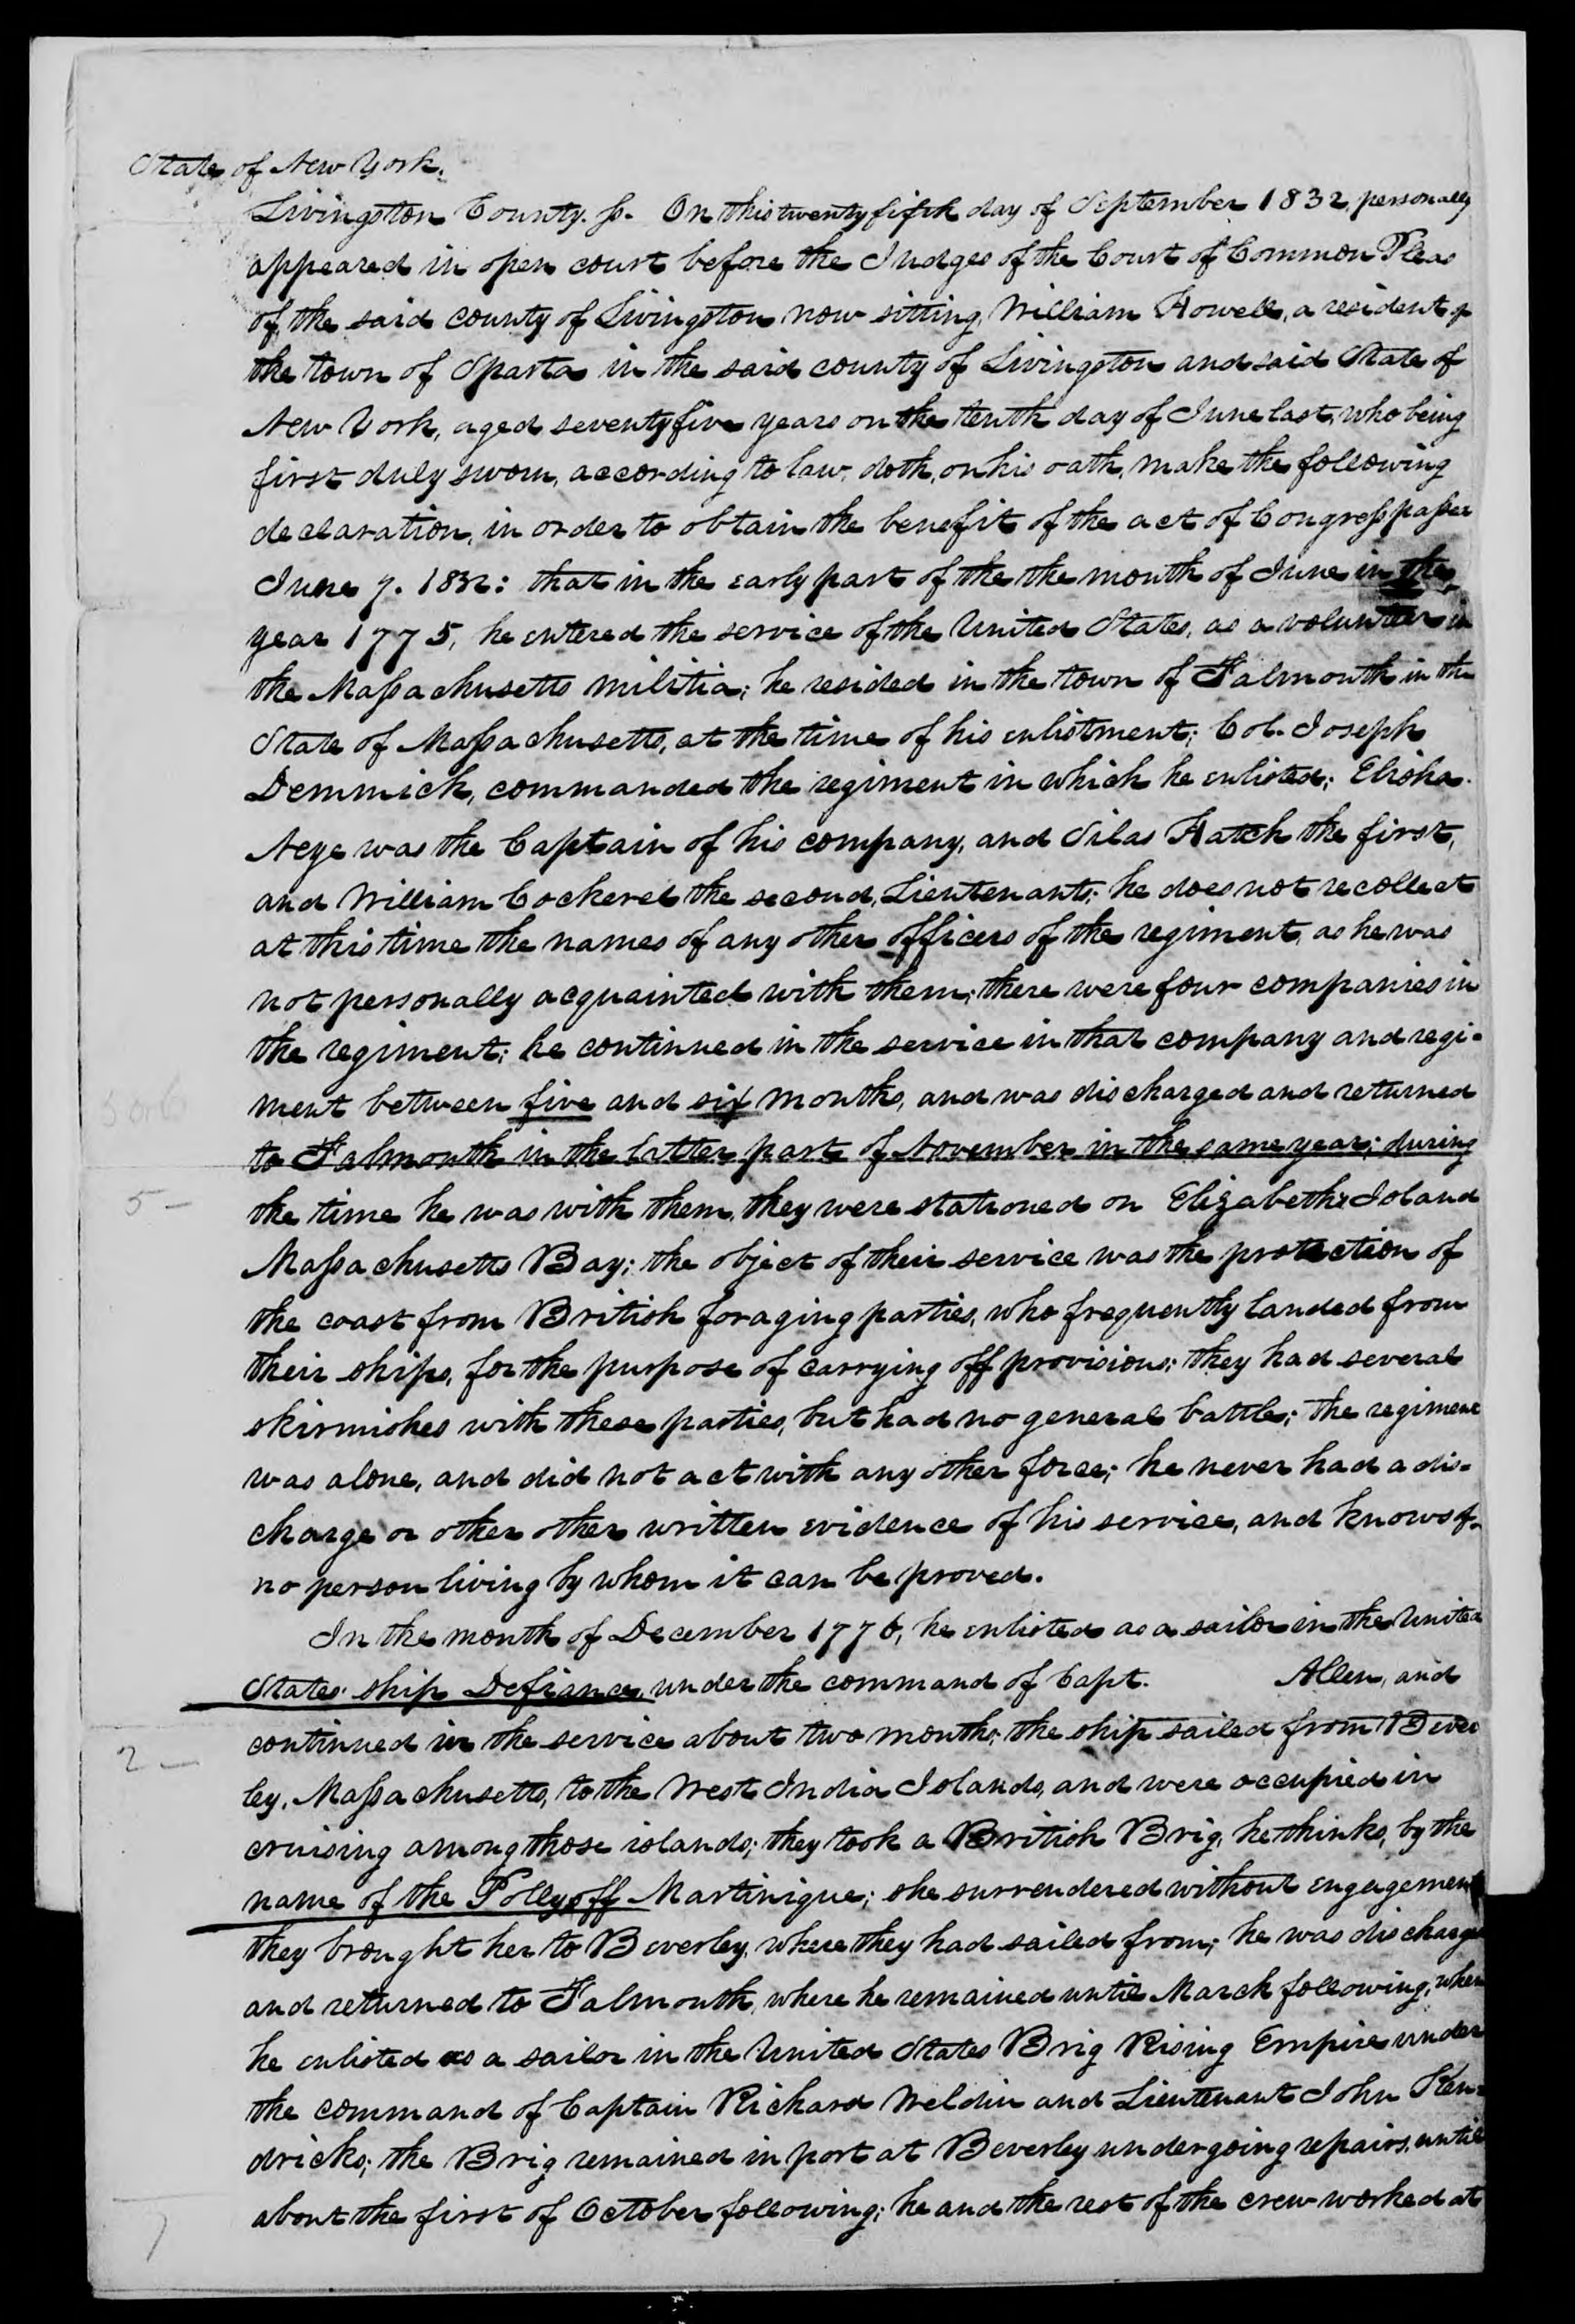State of New York
Livingston County (illegible).  On this twenty fifth day of September 1832, personally appeared in open court before the judges of the Court of Common Pleas of the said county of Livingston now sitting, William Howell, a resident of the town of Sparta in the said county of Livingston and said State of New York, aged seventy five years on the tenth day of June last, who being first duly sworn, according to the law, doth, on his oath, make the following declaration, in order to obtain the benefits of the act of Congress passed June 7, 1832: that in the early part of the month of June in the year 1775, he entered the service of the United States, as a volunteer in the Massachusetts Militia; he resided in the town of Falmouth in the State of Massachusetts at the time of his enlistment; Col. Joseph Demmick commanded the regiment in which he enlisted; Elisha Neye was the Captain of his company; and Silas Hatch the first and William Cockerel the second Lieutenant; he does not recollect at this time the names of any other officers of the regiment as he was not personally acquainted with them; there were four companies in the regiment; he continued in the service of that company and regiment between five and six months, and was discharged and returned to Falmouth in the latter part of November in the same year; during the time he was with them they were stationed on Elizabeth Island Massachusetts Bay; the object of their service was the protection of the coast from British foraging parties, but had no general battles; the regiment was alone, and did not act with any other force; he never had a discharge or other other (sic) written evidence of his service, and knows of no person living by whom it can be proved.
In the month of December 1776, he enlisted as a sailor in the United States ship Defiance, under the command of Capt. Allen, and continued in the service about two months; the ship sailed from Beverley, Massachusetts, to the West India Islands, and were occupied in cruising among those islands; they took a British Brig, he thinks, by the name of the Polly off Martinique; she surrendered without engagement; they brought her to Beverley where they had sailed from; he was discharged and returned to Falmouth where he remained until March following, when he enlisted as a sailor in the United States Brig Rising Empire under the command of Captain Richard Meldin and Lieutenant John Hendricks; the Brig remained at port in Beverley undergoing repairs until about the first of October following; he and the rest of the crew worked at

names: Elisha Neye, Allen, Joseph Demmick, William Cockerel, William Howell, Silas Hatch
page: 3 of 18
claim: survivor's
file: S. 18,039, William Howell, Conn. Sea Service Mass. And Mass. Sea Service Privateer